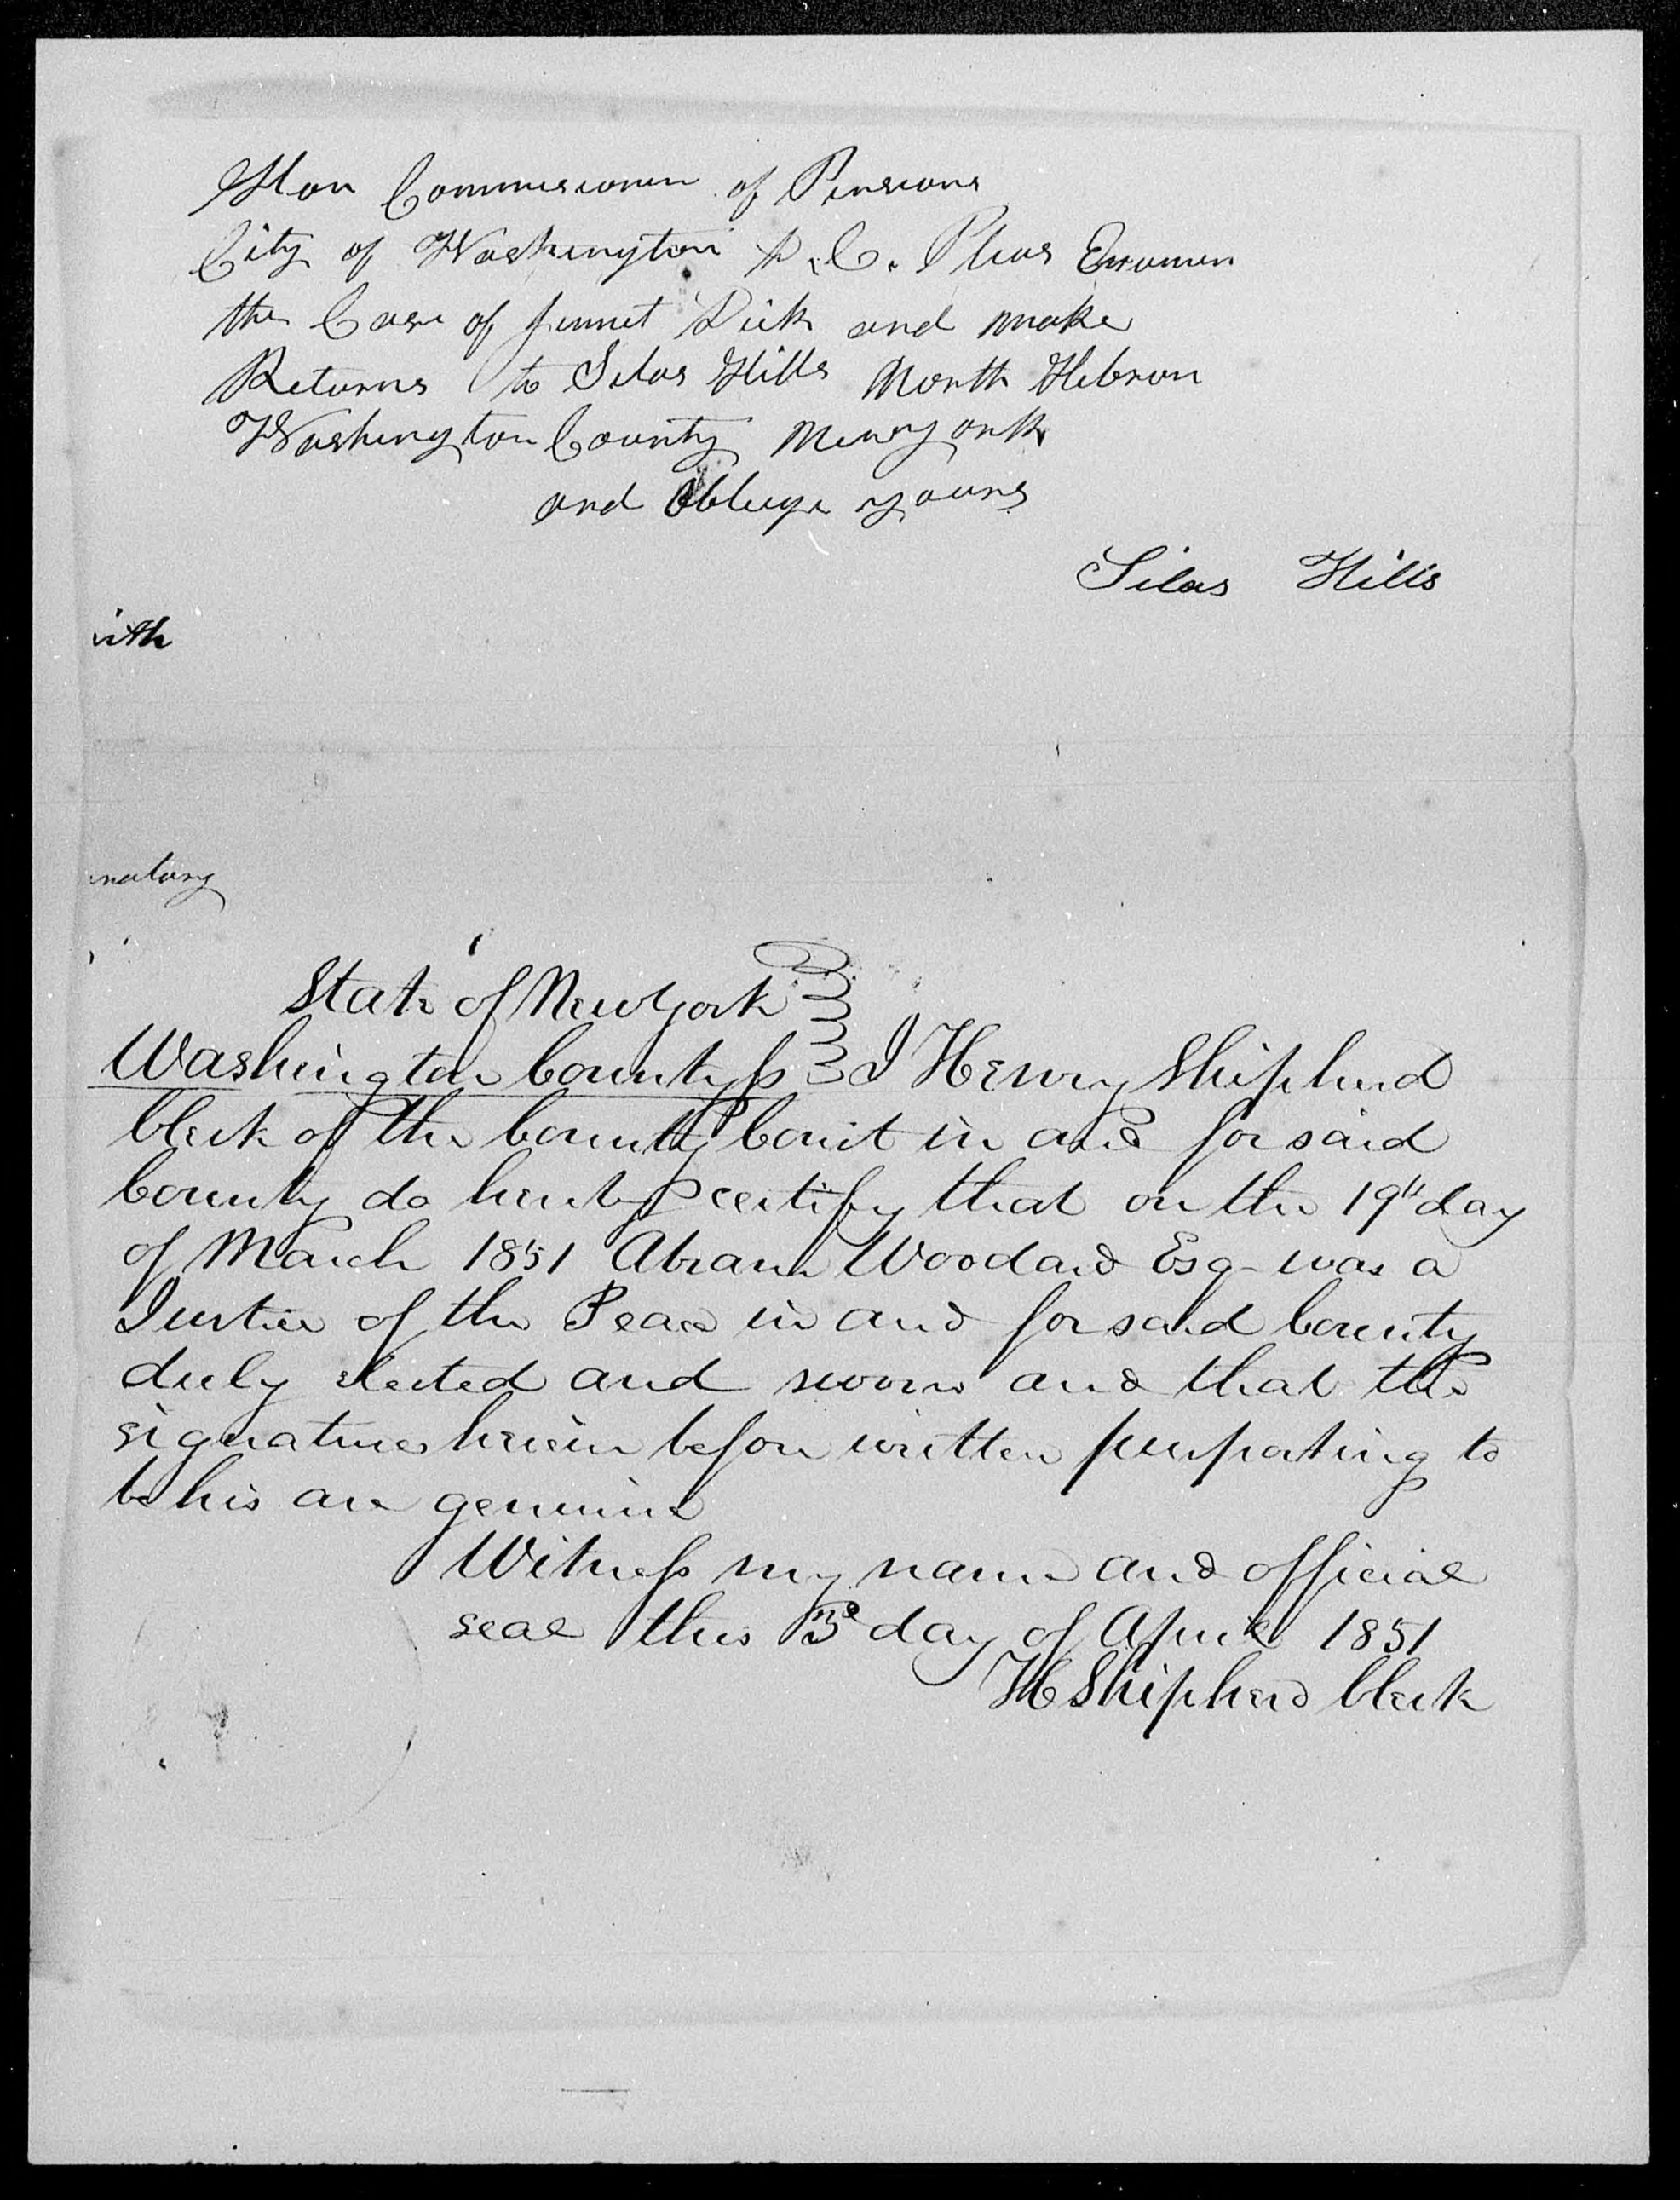State of New York 
Washington County ss.} I Henry Shipherd Clerk of  the County Court in and for said County do hereby certify that on the 19th day of March 1851 Abram Woodard Esq was a Justice of the Peace in and for said County duly elected and sworn and that the signature herein before written purporting to be his are genuine.
Witness my name and official seal this 3d day of April 1851.
/s/H. Shipherd Clerk
[seal affixed]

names: Silas Hills, Jennet Dick, Abram Woodard, Silas Hills, H Shipherd, Henry Shipherd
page: 8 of 9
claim: rejected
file: R. 2,930, John Dick, Vt.